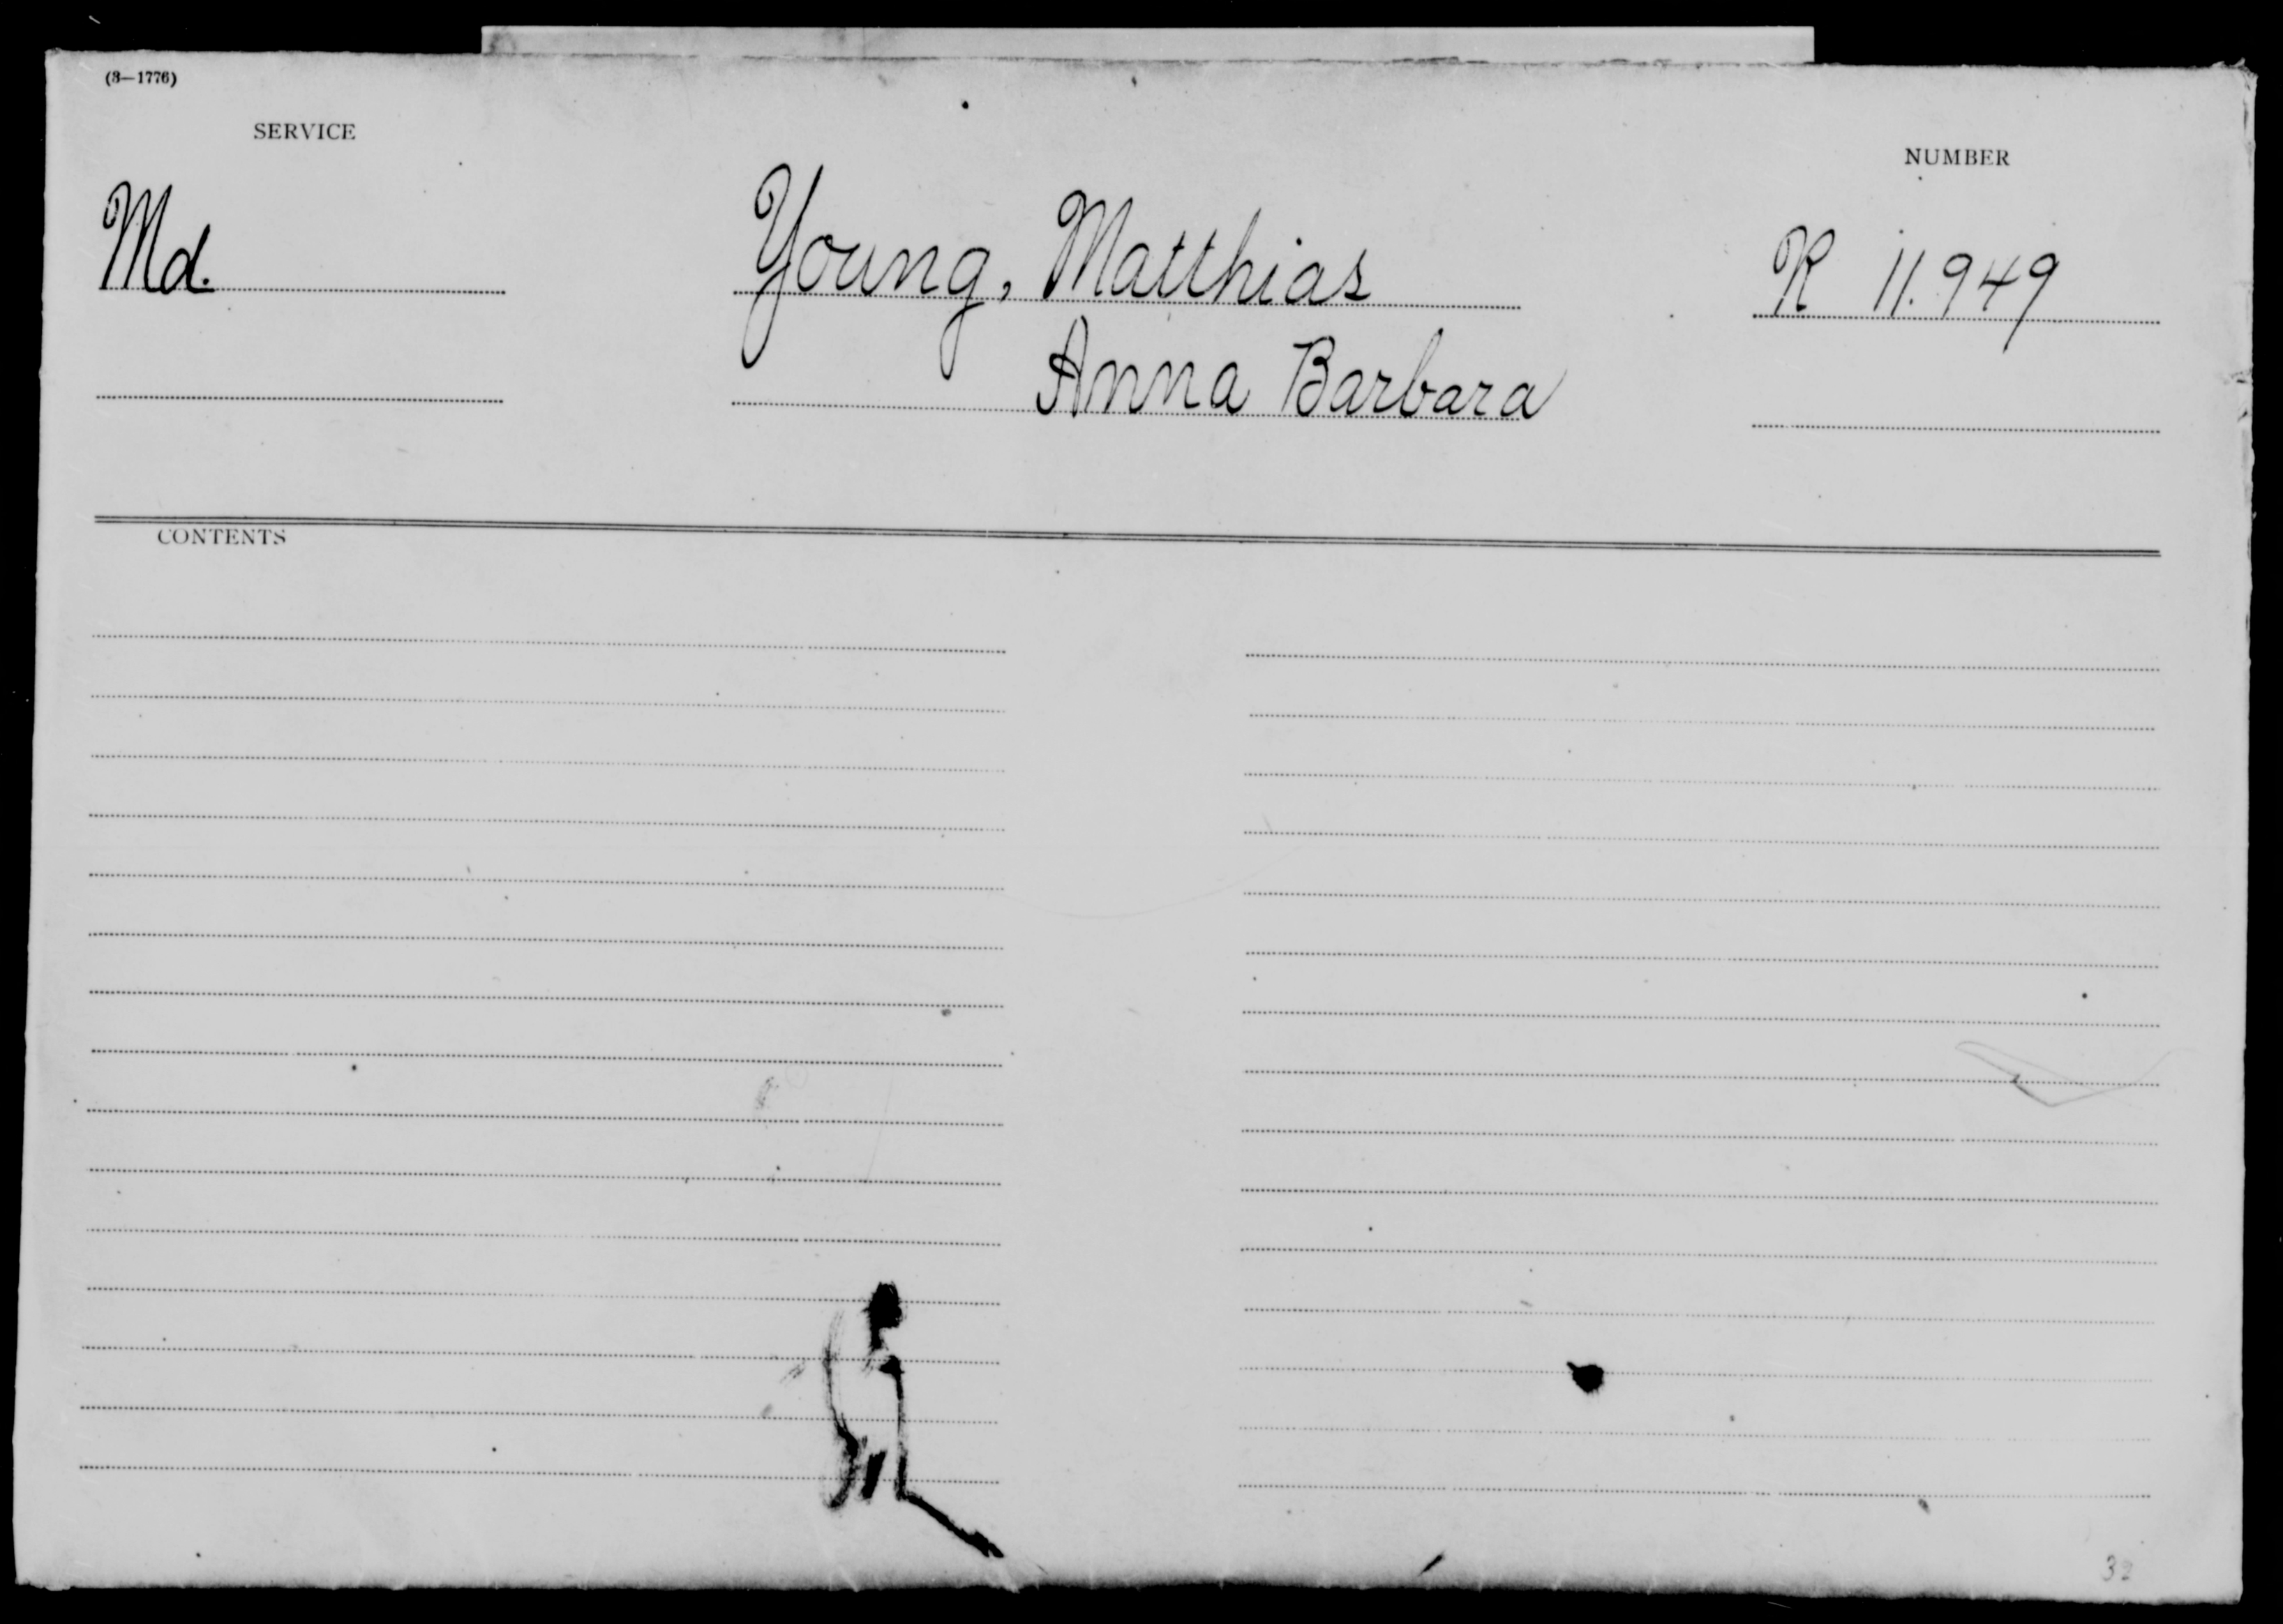(8-1776)
SERVICE                                Number
Md.   Young, Matthias          R11.949
                      Anna Barbara
Contents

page: 1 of 123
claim: rejected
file: R. 11,949, Matthias Young, Md.